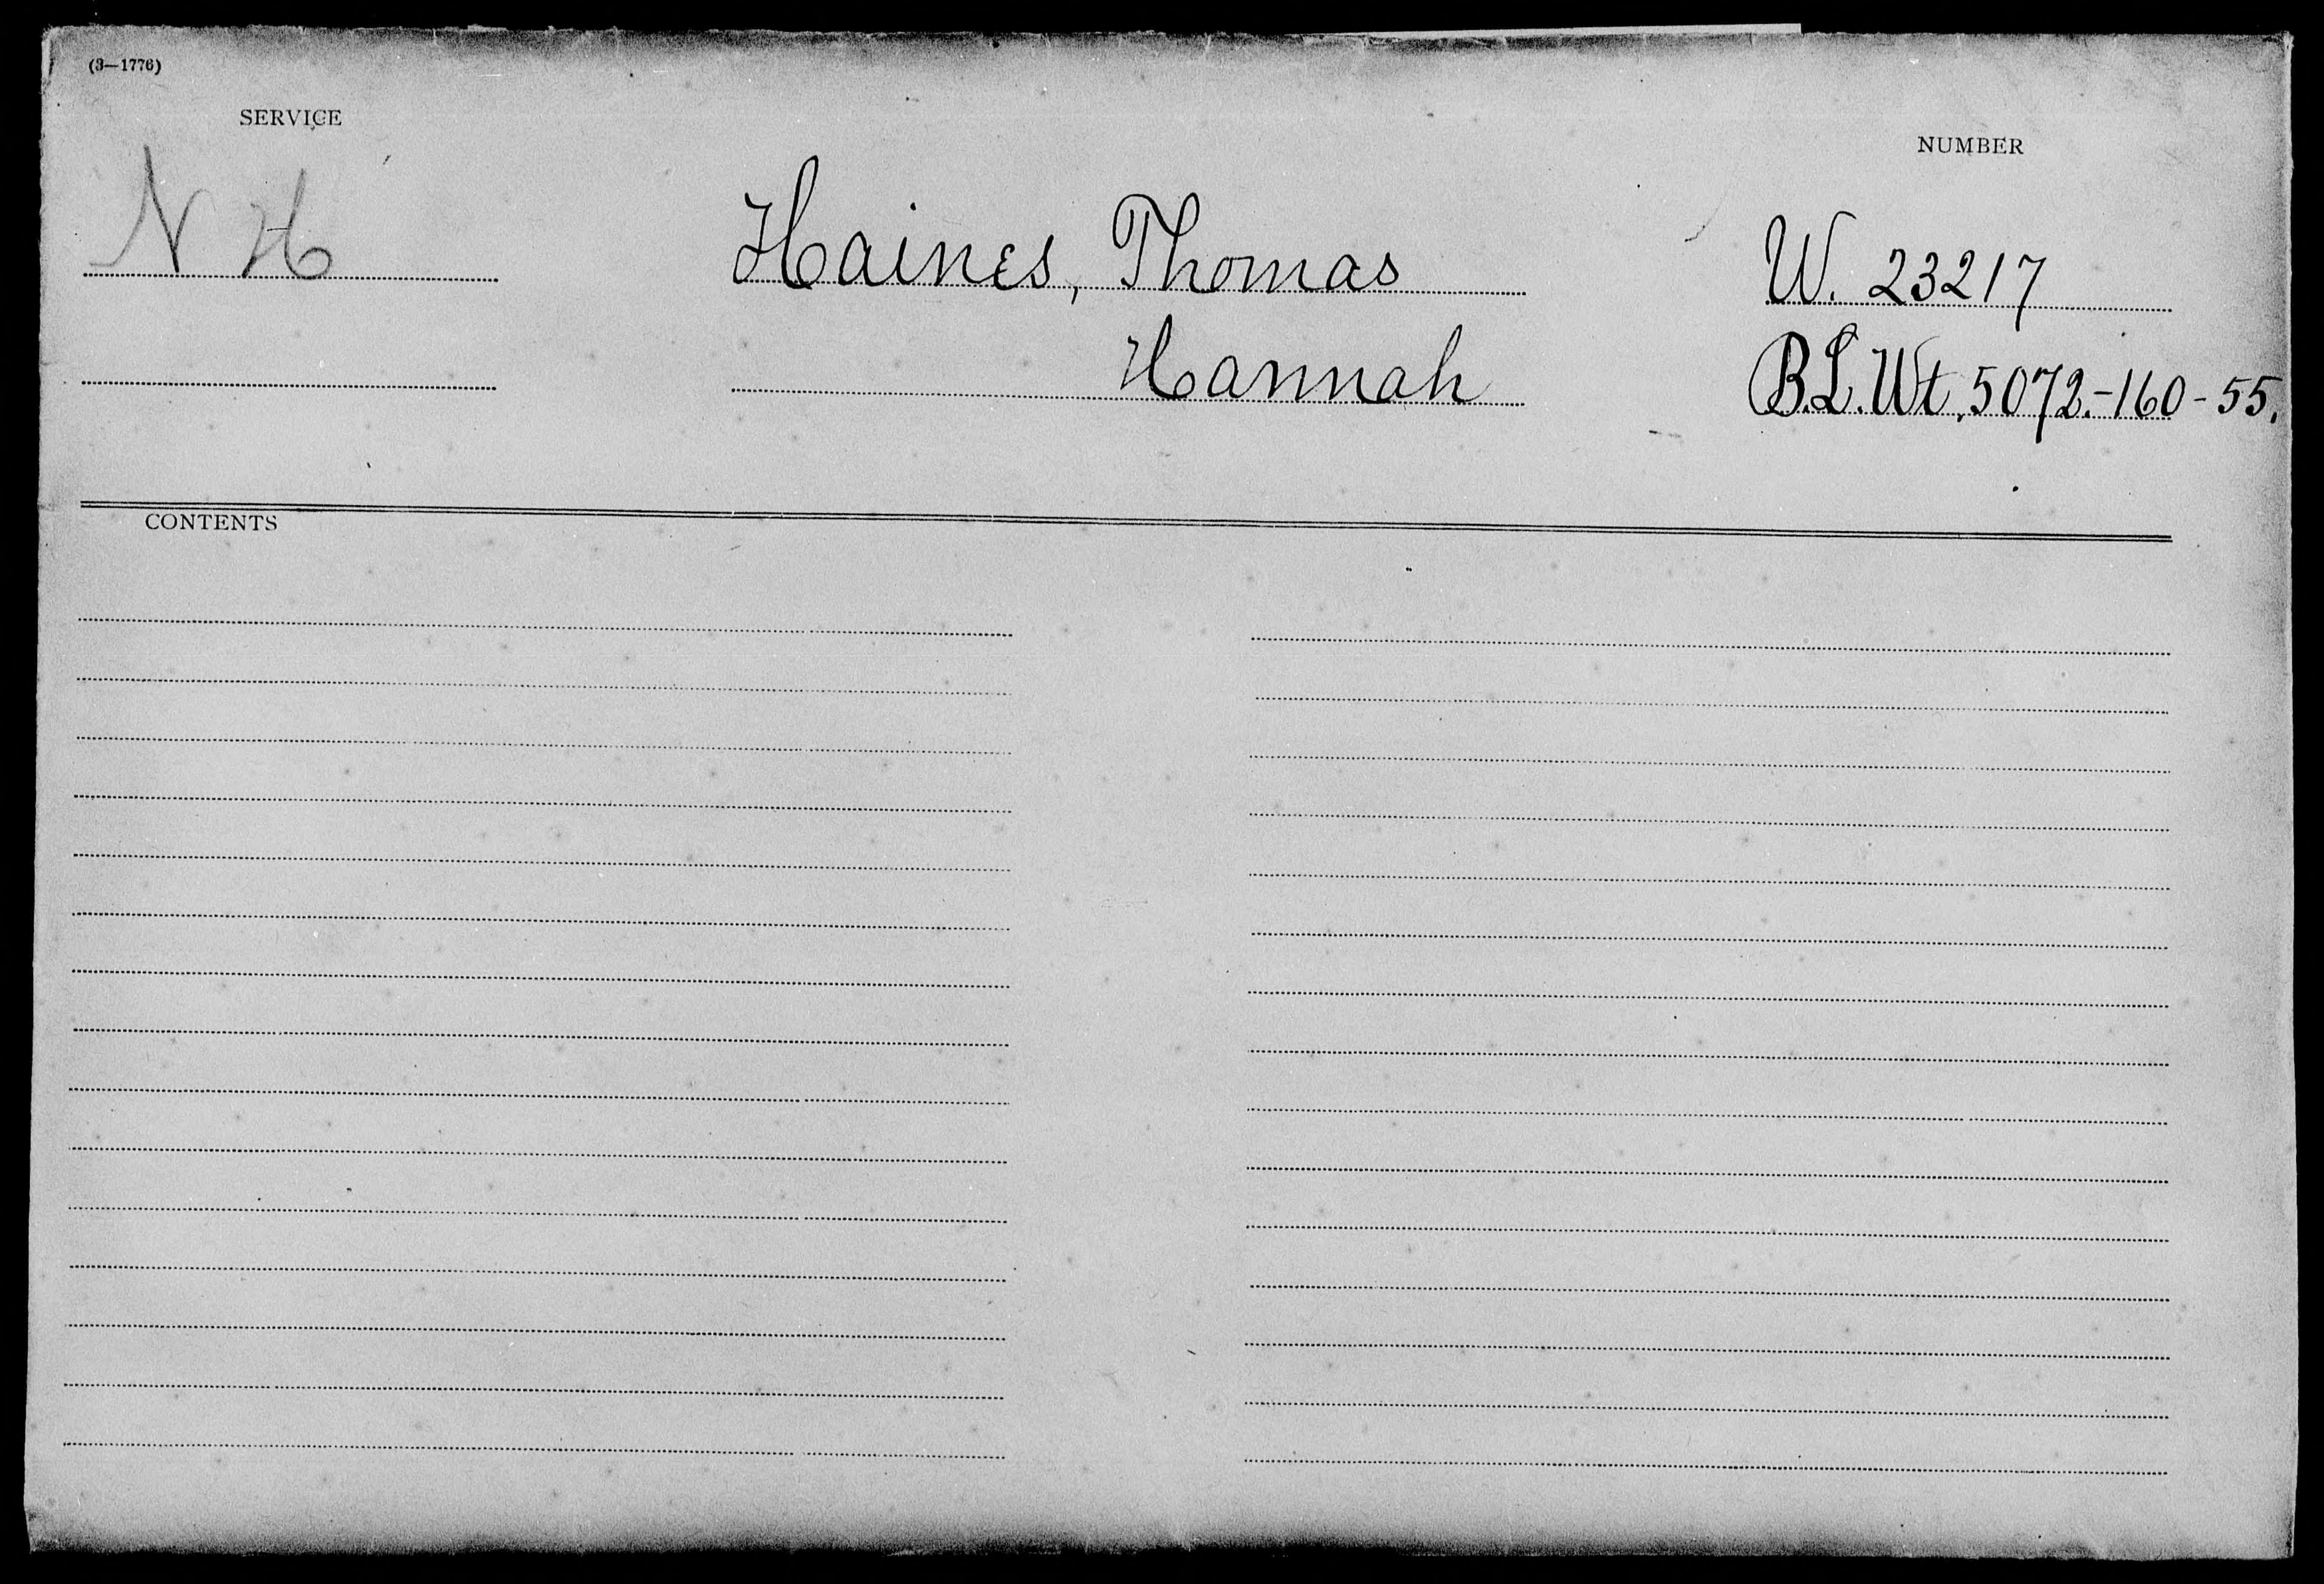(3-1776)

SERVICE
NH

Haines, Thomas 
Hannah

NUMBER
W 23217
B.L.W.t.5072-160-55

CONTENTS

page: 1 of 57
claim: widow's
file: W. 23217, Thomas Haines, N H